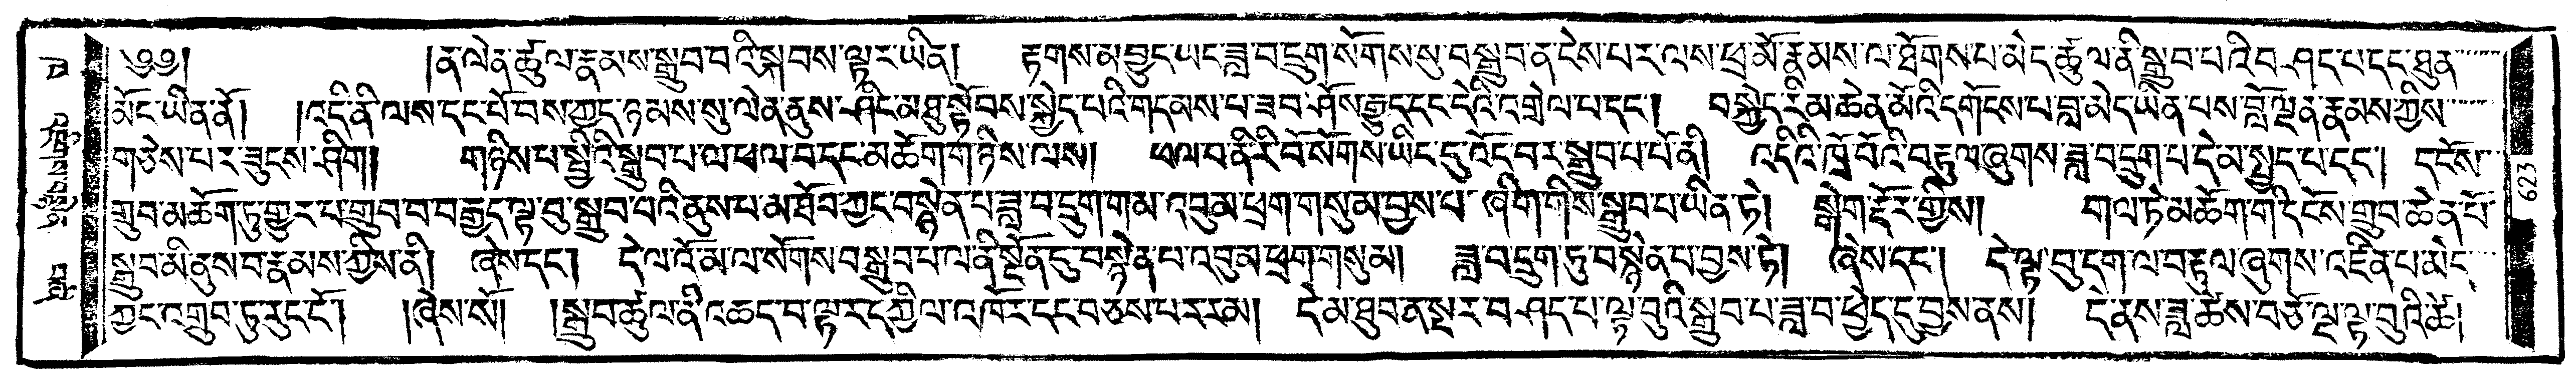༄༅། །ན་ལེན་ཚུལ་རྣམས་སྒྲུབ་བའི་སྐབས་ལྟར་ཡིན། རྟགས་མ་བྱུང་ཡང་ཟླ་བ་དྲུག་སོགས་སུ་བསྒྲུབ་ན་ངེས་པར་ལས་ཕྲ་མོ་རྣམས་ལ་ཐོགས་པ་མེད་ཚུལ་ནི་སྒྲུབ་པའི་བཤད་པ་དང་ཐུན་
མོང་ཡིན་ནོ། །འདི་ནི་ལས་དང་པོ་བས་ཀྱང་ཉམས་སུ་ལེན་ནུས་ཤིང་མཐུ་སྟོབས་སྐྱེད་པའི་གདམས་པ་ཟབ་ཤོས་རྒྱུད་དང་དེའི་འགྲེལ་པ་དང་། བསྐྱེད་རིམ་ཆེན་མོའི་དགོངས་པ་བླ་མེད་ཡིན་པས་བློ་ལྡན་རྣམས་ཀྱིས་
གཅེས་པར་ཟུངས་ཤིག། གཉིས་པ་སྤྱིའི་སྒྲུབ་པ་ལ་ཕལ་བ་དང་མཆོག་གཉིས་ལས། ཕལ་བ་ནི་རི་བོ་སོགས་ཡིད་དུ་འོང་བར་སྒྲུབ་པ་པོ་ནི། འདིའི་ཁྲོ་བོའི་བརྟུལ་ཞུགས་ཟླ་བ་དྲུག་པ་དེ་མ་སྤྱད་པ་དང་། དངོས་
གྲུབ་མཆོག་ཏུ་གྱུར་པ་གྲུབ་བ་བརྒྱད་ལྟ་བུ་སྒྲུབ་པའི་ནུས་པ་མ་ཐོབ་ཀྱང་བསྙེན་པ་ཟླ་བ་དྲུག་གམ་འབུམ་ཕྲག་གསུམ་བྱས་པ་ཞིག་གིས་སྒྲུབ་པ་ཡིན་ཏེ། སྒེག་རྡོར་གྱིས། གལ་ཏེ་མཆོག་གི་དངོས་གྲུབ་ཆེན་པོ་
སྒྲུབ་མི་ནུས་པ་རྣམས་ཀྱིས་ནི། ཞེས་དང་། དེ་ལ་འོ་མ་ལ་སོགས་བསྒྲུབ་པ་ལ་ནི་སྔོན་དུ་བསྙེན་པ་འབུམ་ཕྲག་གསུམ། ཟླ་བ་དྲུག་ཏུ་བསྙེན་པ་བྱས་ཏེ། ཞེས་དང་། དེ་ལྟ་བུ་དག་ལ་བརྟུལ་ཞུགས་འཛིན་པ་མེད་
ཀྱང་འགྲུབ་ཏུ་རུང་ངོ། །ཞེས་སོ། །སྒྲུབ་ཚུལ་ནི་འཆད་བ་ལྟར་དཀྱིལ་འཁོར་དང་བཅས་པར་རམ། དེ་མ་ཐུབ་ན་སྔར་བཤད་པ་ལྟ་བུའི་སྒྲུབ་པ་ཟླ་བ་ཕྱེད་དུ་བྱས་ནས། དེ་ནས་ཟླ་ཚེས་བཅོ་ལྔ་ལྟ་བུའི་ཚེ།